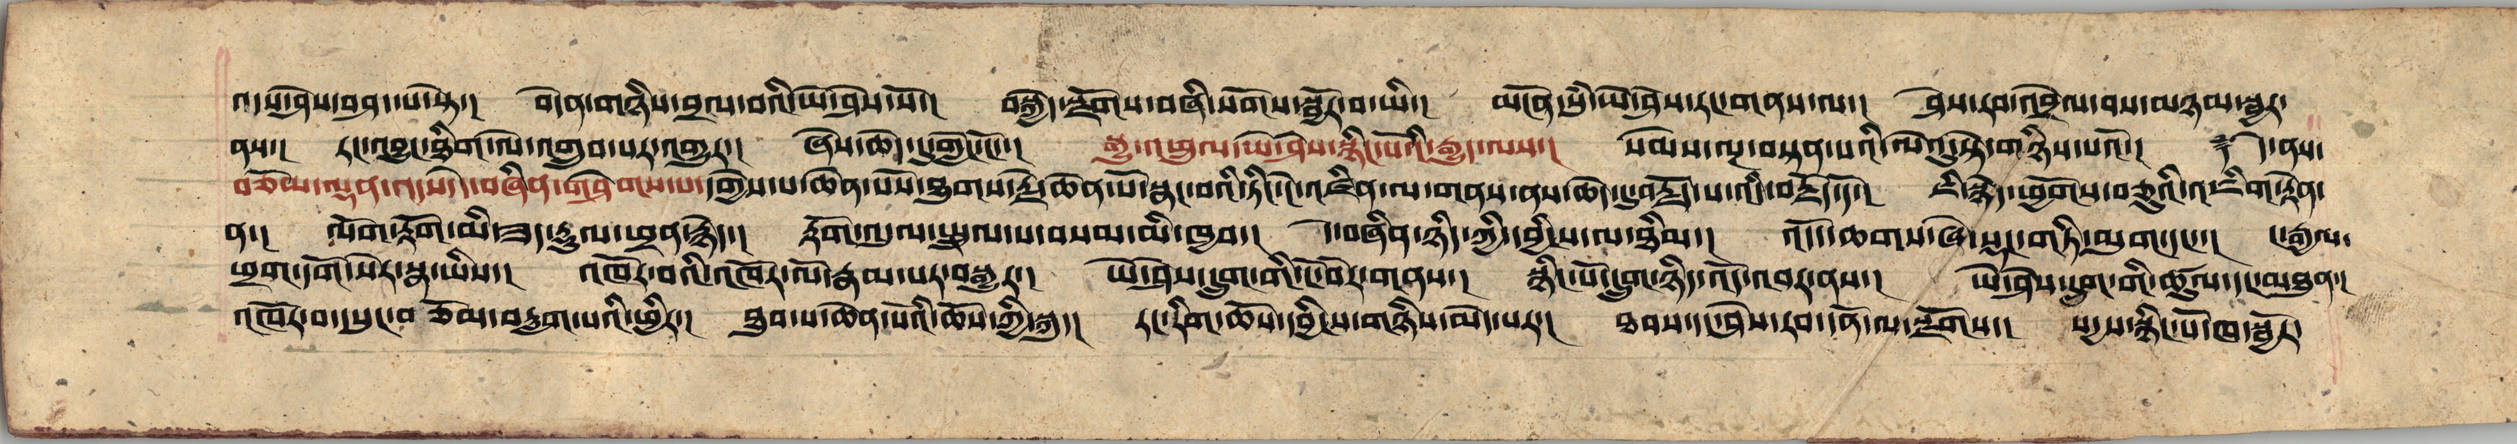འདས་ཤེས་བཤད་པ་སྟེ་། བདེན་གཉིས་བྲལ་བའི་ཡེ་ཤེས་སོ་། བསྐྱེད་སྫོགས་བཞི་སོགས་སྦྱོར་བ་ཡི་། མངོན་སུཾ་ཡེ་ཤེས་རང་གནས་ལ་། ཤེས་རབ་འབྲེལ་བས་མཉམ་སྦྱར་
ནས་། རང་འབྱུང་ཐིག་ལེ་འགྲུབ་པར་འགྱུར་། ཞེས་ཆེད་དུ་གླེང་ངོ་་། སྒྱུ་འཕྲུལ་ཡེ་ཤེས་སྙིང་པོའི་རྒྱུད་ལས་། སེམས་ལྔ་བསྟན་པའི་ལེའུ་སྟེ་གཉིས་པའོ་། ༈ དེ་ནས་
བཅོམ་ལྡན་འདས་དེ་བཞིན་གཤེགས་པ་དགྱེས་པ་ཆེན་པོས་ཐུགས་རྗེ་ཆེན་པོ་སྣང་བའི་ཏིང་ངེ་འཛིན་ལ་གནས་ནས་ཆེད་དུ་བརྗོད་པ་འདི་བརྗོད་དོ་། ཇི་སྙེད་ཕྱོགས་བཅུའི་འཇིག་རྟེན་
ན་། ལོག་རྟོག་མི་ཟད་རྡུལ་ཕྲན་རྙེད་། རྟོག་འདུལ་སྤྲུལ་པ་བསམ་མི་ཁྱབ་། དེ་བཞིན་ཉིད་ཀྱི་དབྱིངས་ལ་ཐིམ་། འདོད་ཆགས་ཞེ་སྡང་གཏི་མུག་དང་་། ང་རྒྱལ་
ཕྲག་དོག་སེར་སྣ་ཡིས་། འཁོར་བའི་འཁོར་ལོ་རྣམ་པར་བསྒྱུར་། ཡེ་ཤེས་དྲུག་གི་ངོ་བོར་གནས་། སྙིང་པོ་དྲུག་ཉིད་འོད་འབར་ནས་། ཡེ་ཤེས་དྲུག་གི་ཚུལ་དང་མཐུན་།
འཁོར་བ་དཔུང་བཅོམ་བརླག་པའི་ཕྱིར་། ཐུབ་པ་ཆེན་པོའི་ཆོས་ཀྱི་སྐུ་། རང་རིག་ཆོས་དབྱིངས་གཉིས་མེད་པར་། ཐབས་དང་ཤེས་རབ་དོན་ལ་སྫོགས་། སདྱས་སྙིང་པོ་ཁ་སྦྱོར་